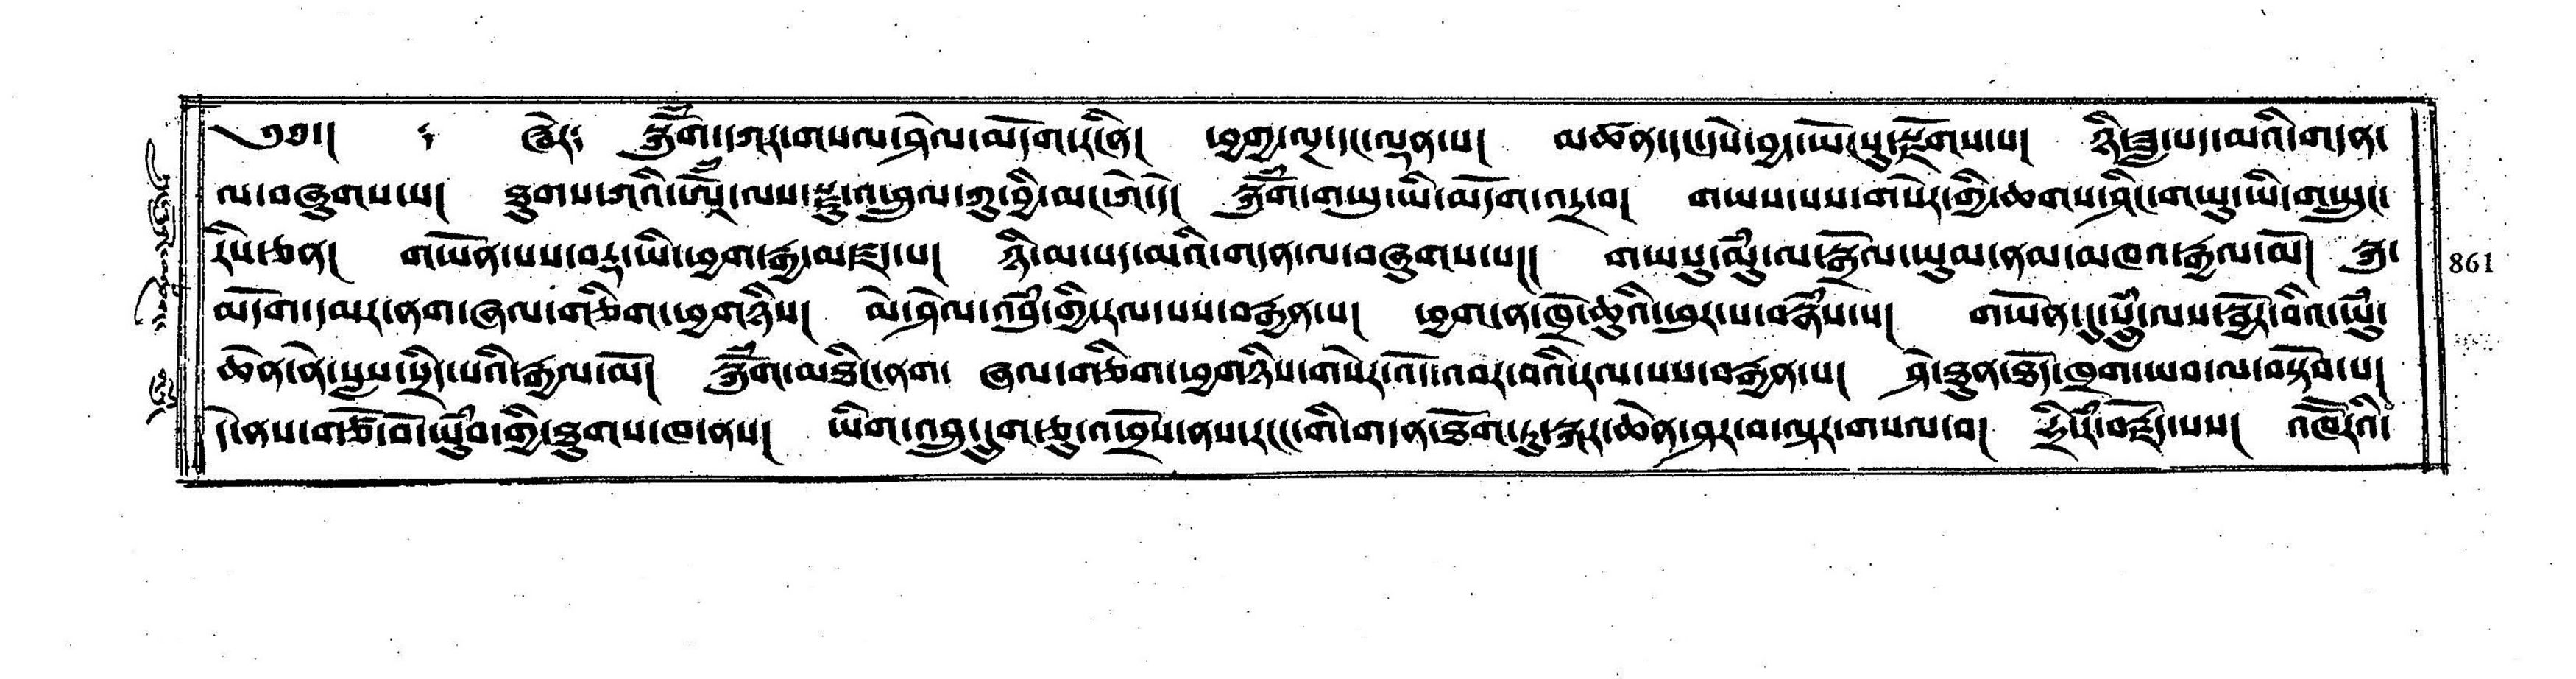ཝེར། སྐུ་མདོག་དཀར་གསལ་ཤེལ་མདོག་རང་བཞིན། ཕྱག་རྒྱ་ལྔ་དང་ལྡན་པ། མཚན་དང་དཔེ་བྱད་ཡོངས་སུ་རྫོགས་པ། ཉི་ཟླ་པད་མའི་གདན་
ལ་བཞུགས་པ། ཐུགས་ཀའི་ཨཱོཾ་ལས་རྫུ་འཕྲུལ་ཀུ་བྱི་མང་ཀེ་དེ། སྐུ་མདོག་གཡུ་ཡི་མདོག་འདྲ་བ། གཡས་པས་གསེར་གྱི་ཆགས་ཤིང་གཡུ་ཡི་གཡུང་དྲུང་
རིས་ཅན། གཡོན་པས་བརྡ་ཡི་ཕྱག་རྒྱ་མཛད་པ། ཉི་མ་པད་མའི་གདན་ལ་བཞུགས་པ།། གཡས་སུ་མུཾ་ལ་སྒྲོལ་ཡུམ་ནམ་མཁའ་རྒྱལ་མོ། སྐུ་
མདོག་དམར་ནག་ཞལ་གཅིག་ཕྱག་གཉིས། མེ་ཤེལ་འབུམ་གྱི་རལ་པས་བརྒྱན་པ། ཕྱག་ན་ཁྲོ་ཆུའི་ཕུར་པ་བསྣམས་པ། གཡོན་དུ་སྲུཾ་ལས་སྦྱོར་བའི་ཡུམ་
ཆེན་ནེ་སླས་སྲིད་པའི་རྒྱལ་མོ། སྐུ་མདོག་མཐིང་ནག་ཞལ་གཅིག་ཕྱག་གཉིས་གསེར་འོད་འབར་བའི་རལ་པས་བརྒྱན་པ། ཤེ་ཐུན་ཐོད་ཁྲག་ཡབ་ལ་བསྟོབ་པ། 
དེ་ནས་གཙོ་བོ་ཡབ་ཡུམ་གྱི་ཐུགས་ཁ་ནས། ཡིག་འབྲུ་དྲུག་ཅུ་འཕྲོས་ནས་རང་རང་གི་གདན་ཐོག་ཏུ་སྐར་ཆེན་ཤར་བ་ལྟར་གསལ་བ། ཧྲི་རཾ་བརྗོད་པས། འཁོར་ལོའི་